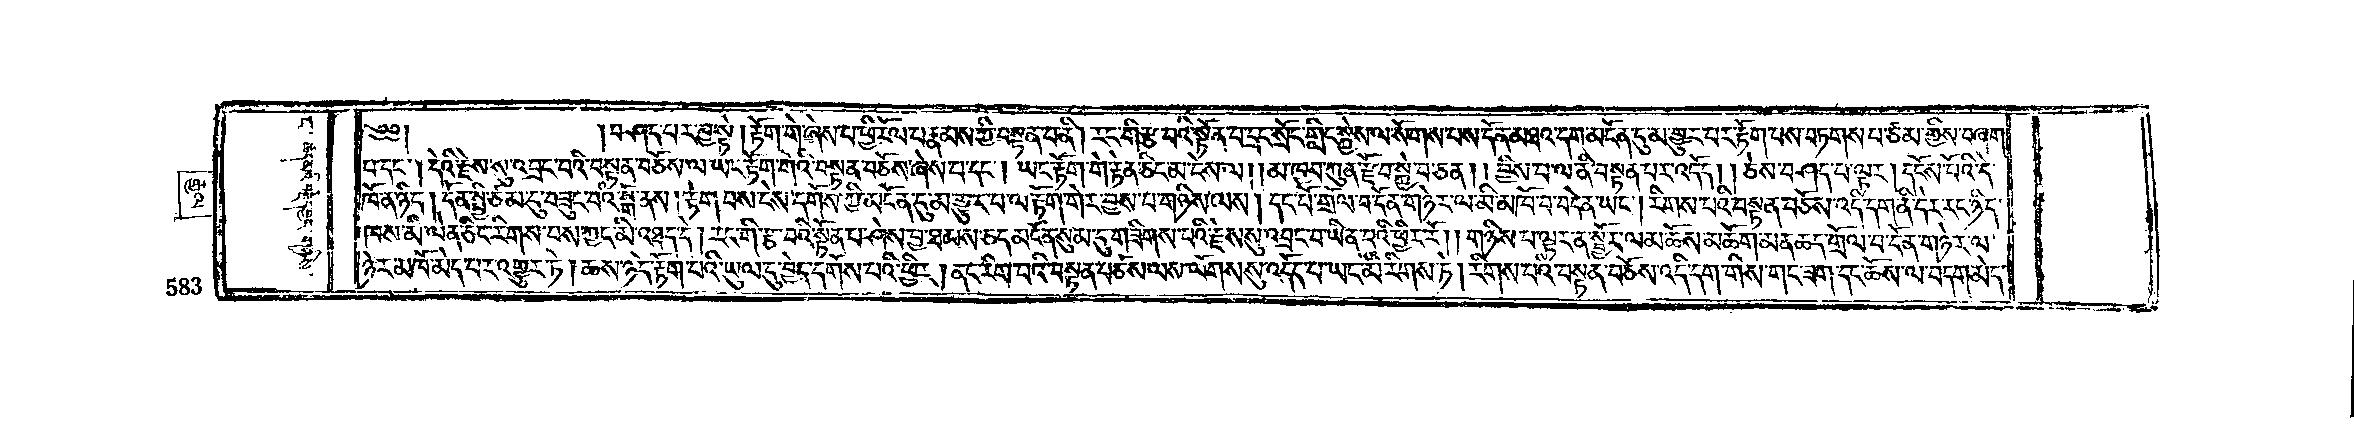༄༅། །བཤད་པར་བྱ་སྟེ། རྟོག་གེ་ཞེས་པའི་ཕྱིར་རོལ་པ་རྣམས་ཀྱི་བསྟན་པ་ནི། རང་གི་རྩ་བའི་སྟོན་པ་དྲང་སྲོང་གླིང་སྐྱེས་ལ་སོགས་པས་དོན་མཐའ་དག་མངོན་དུ་མ་གྱུར་པར་རྟོག་པས་བཏགས་པ་ཙམ་གྱིས་བཞག་
པ་དང་། དེའི་རྗེས་སུ་འབྲང་བའི་བསྟན་བཅོས་ལ་ཡང་རྟོག་གེའི་བསྟན་བཅོས་ཞེས་པ་དང་། ཡང་རྟོག་གེ་རྟེན་ཅིང་མ་ངེས་ལ། མ་ཁྱབ་ཀུན་རྫོབ་སྐྱེ་བ་ཅན། །བྱིས་པ་ལ་ནི་བསྟན་པར་འདོད། །ཅེས་བཤད་པ་ལྟར། དངོས་པོའི་དེ་
ཁོ་ན་ཉིད། དོན་སྤྱི་ཙམ་དུ་བཟུང་བའི་སྒོ་ནས། རྟོག་པས་ངེས་དགོས་ཀྱི་མངོན་དུ་མ་གྱུར་པ་ལ་རྟོག་གེར་བྱས་པ་གཉིས་ལས། དང་པོ་གྲོལ་བ་དོན་གཉེར་ལ་མི་མཁོ་བ་བདེན་ཡང་། རིགས་པའི་བསྟན་བཅོས་འདི་དག་ནི་དེར་རང་ཉིད་
ཁས་མི་ལེན་ཅིང་རིགས་པས་ཀྱང་མི་འཐད་དེ། རང་གི་རྩ་བའི་སྟོན་པ་ཤེས་བྱ་ཐམས་ཅད་མངོན་སུམ་དུ་གཟིགས་པའི་རྗེས་སུ་འབྲང་བ་ཡིན་པའི་ཕྱིར་རོ། །གཉིས་པ་ལྟར་ན་སྦྱོར་ལམ་ཆོས་མཆོག་མན་ཆད་གྲོལ་བ་དོན་གཉེར་ལ་
ཉེར་མཁོ་མེད་པར་འགྱུར་ཏེ། ཆས་ཉེད་རྟོག་པའི་ཡུལ་དུ་བྱེད་དགོས་པའི་ཕྱིར། ནང་རིག་པའི་བསྟན་བཅས་ལས་ལོགས་སུ་འདོད་པ་ཡང་མི་རིགས་ཏེ། རིགས་པའི་བསྟན་བཅོས་འདི་དག་གིས་གང་ཟག་དང་ཆོས་ལ་བདག་མེད་